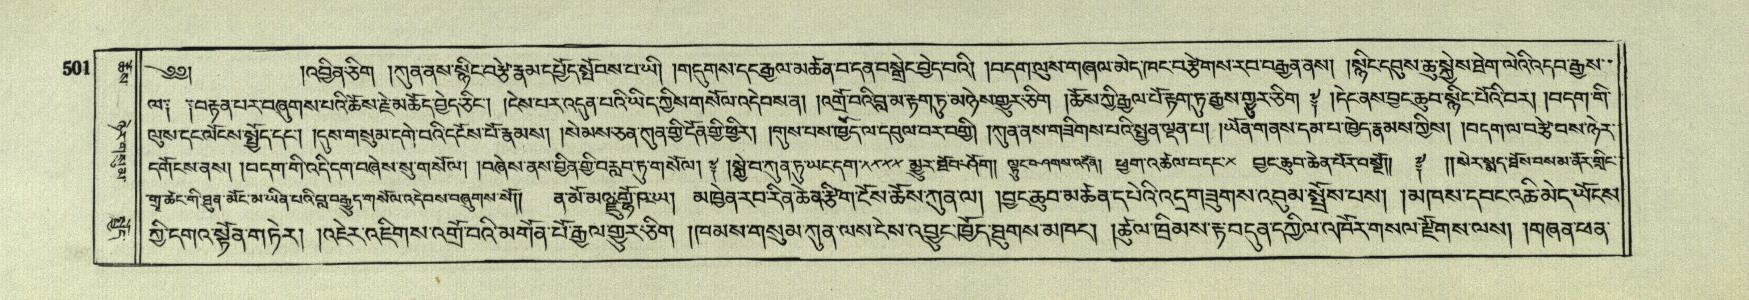༄༅། །འབྱིན་ཅིག །ཀུན་ནས་སྙིང་བརྩེ་རྣམ་དཔྱོད་སྤོབས་པ་ཡི། །གདུགས་དང་རྒྱལ་མཚན་བ་དན་བསྒྲེང་བྱེད་བའི། །བདག་ལུས་གཞལ་མེད་ཁང་བརྩེགས་རབ་བརྒྱན་ནས། །སྙིང་དབུས་ཆུ་སྐྱེས་ཐེག་ལེའི་འདབ་རྒྱས་
ལ༑ ༑བརྟན་པར་བཞུགས་པའི་ཆོས་རྗེ་མཆོད་བྱེད་ཅིང་། །ངེས་པར་འདུན་པའི་ཡིད་ཀྱིས་གསོལ་འདེབས་ན། །འགྲོ་བའི་བླ་མ་རྟག་ཏུ་མཉེས་གྱུར་ཅིག །ཆོས་ཀྱི་རྒྱལ་པོ་རྟག་ཏུ་རྒྱས་གྱུར་ཅིག་འ་།དེང་ནས་བྱང་ཆུབ་སྙིང་པོའི་བར། །བདག་གི་
ལུས་དང་ལོངས་སྤྱོད་དང་། །དུས་གསུམ་དགེ་བའི་དངོས་པོ་རྣམས། །སེམས་ཅན་ཀུན་གྱི་དོན་གྱི་ཕྱིར། །གུས་པས་ཁྱོད་ལ་དབུལ་བར་བགྱི། །ཀུན་ནས་གཟིགས་པའི་སྤྱན་ལྡན་པ། །ཡོན་གནས་དམ་པ་ཁྱེད་རྣམས་ཀྱིས། །བདག་ལ་བརྩེ་བས་ཉེར་
དགོངས་ནས། །བདག་གི་འདི་དག་བཞེས་སུ་གསོལ། །བཞེས་ནས་བྱིན་གྱི་བརླབ་ཏུ་གསོལ། འ་།སྐྱེ་བ་ཀུན་ཏུ་ཡང་དག་྾྾྾྾་མྱུར་ཐོབ་ཤོག། ལྟུང་བཤགས་འདོན།  ཕྱག་འཚལ་བ་དང་྾་བྱང་ཆུབ་ཆེན་པོར་བསྔོ།། འ་།།སེར་སྨད་ཐོས་བསམ་ནོར་གླིང་
གྲྭ་ཚང་གི་ཐུན་མོང་མ་ཡིན་པའི་བླ་བརྒྱུད་གསོལ་འདེབས་བཞུགས་སོ།།  ན་མོ་མཉྫུ་གྷོ་ཥ་ཡ། མཁྱེན་རབ་རིན་ཆེན་རྩིག་ངོས་ཆོས་ཀུན་ལ། །བྱང་ཆུབ་མཚན་དཔེའི་འདྲ་གཟུགས་འབུམ་སྤྲོས་པས། །མཁས་དབང་འཆི་མེད་ཡོངས་
ཀྱི་དགའ་སྟོན་གཏེར། །འཇེར་འཇིགས་འགྲོ་བའི་མགོན་པོ་རྒྱལ་གྱུར་ཅིག །ཁམས་གསུམ་ཀུན་ལས་ངེས་འབྱུང་ཁྱོད་ཐུགས་མཁང་། །ཚུལ་ཁྲིམས་རྟ་བདུན་དཀྱིལ་འཁོར་གསལ་རྫོགས་ལས། །གཞན་ཕན་